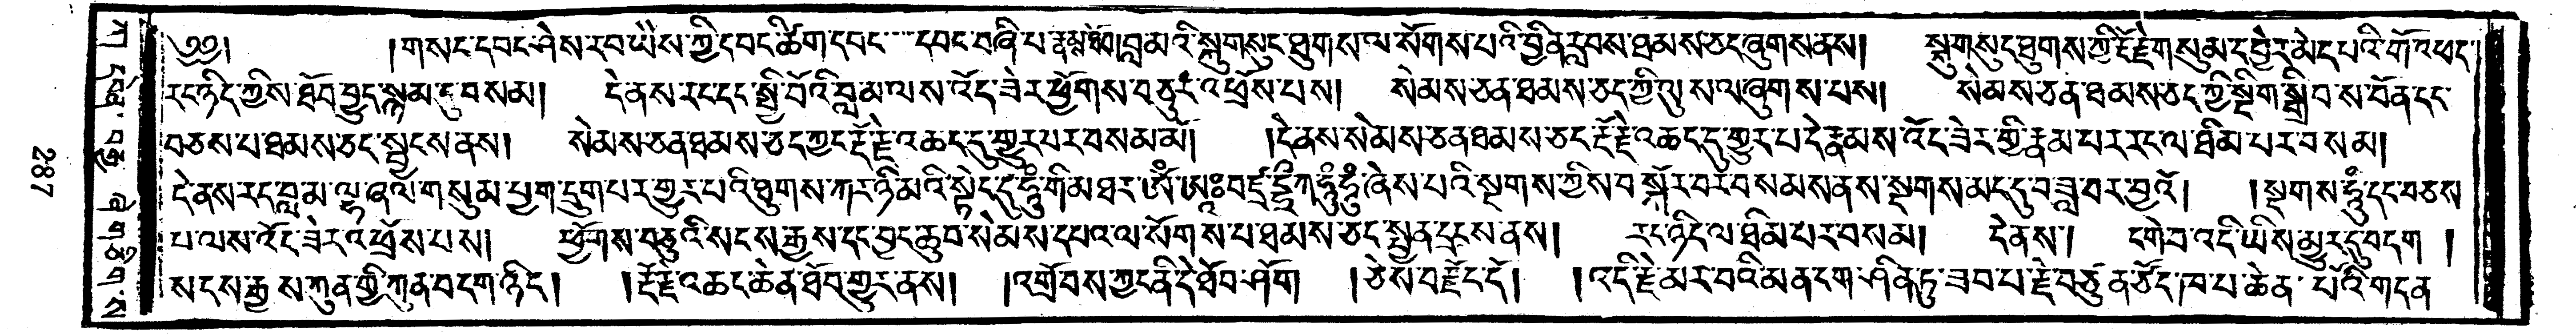༄༅། །གསང་དབང་ཤེས་རབ་ཡཻས་ཀྱི་དབང་ཚིག་དབང་དབང་བཞི་པ་རྣམས་ཐོབ། བླ་མའི་སྐུ་གསུང་ཐུགས་ལ་སོགས་པའི་བྱིན་རླབས་ཐམས་ཅད་ཞུགས་ནས། སྐུ་གསུང་ཐུགས་ཀྱི་རྡོ་རྗེ་གསུམ་དབྱེར་མེད་པའི་གོ་འཕང་
རང་ཉིད་ཀྱིས་ཐོབ་བྱུང་སྙམ་དུ་བསམ། དེ་ནས་རང་དང་སྤྱི་བོའི་བླ་མ་ལས་འོད་ཟེར་ཕྱོགས་བཅུར་འཕྲོས་པས། སེམས་ཅན་ཐམས་ཅད་ཀྱི་ལུས་ལ་ཞུགས་པས། སེམས་ཅན་ཐམས་ཅད་ཀྱི་སྡིག་སྒྲིབ་ས་བོན་དང་
བཅས་པ་ཐམས་ཅད་སྦྱངས་ནས། སེམས་ཅན་ཐམས་ཅད་ཀྱང་རྡོ་རྗེ་འཆང་དུ་གྱུར་པར་བསམ་མོ། །དེ་ནས་སེམས་ཅན་ཐམས་ཅད་རྡོ་རྗེ་འཆང་དུ་གྱུར་པ་དེ་རྣམས་འོད་ཟེར་གྱི་རྣམ་པར་རང་ལ་ཐིམ་པར་བསམ།
དེ་ནས་རང་བླ་མ་ལྷ་ཞལ་གསུམ་ཕྱག་དྲུག་པར་གྱུར་པའི་ཐུགས་ཀར་ཉི་མའི་སྟེང་དུ་ཧཱུཾ་གི་མཐར་ཨོཾ་ཨཱཿ བཛྲ་དྷྲྀ་ཀ་ཧཱུཾ་ཧཱུཾ་ཞེས་པའི་སྔགས་ཀྱིས་བསྐོར་བར་བསམས་ནས་སྔགས་མང་དུ་བ་ཟླ་བར་བྱའོ། །སྔགས་ཧཱུཾ་དང་བཅས་
པ་ལས་འོད་ཟེར་འཕྲོས་པས། ཕྱོགས་བཅུའི་སངས་རྒྱས་དང་བྱང་ཆུབ་སེམས་དཔའ་ལ་སོགས་པ་ཐམས་ཅད་སྤྱན་དྲངས་ནས། རང་ཉིད་ལ་ཐིམ་པར་བསམ། དེ་ནས། དགེ་བ་འདི་ཡིས་མྱུར་དུ་བདག །
སངས་རྒྱས་ཀུན་གྱི་ཀུན་བདག་ཉིད། །རྡོ་རྗེ་འཆང་ཆེན་ཐོབ་གྱུར་ནས། །འགྲོ་བས་ཀྱང་ནི་དེ་ཐོབ་ཤོག །ཅེས་བརྗོད་དོ། །འདི་རྗེ་མར་བའི་མན་ངག་ཤིན་ཏུ་ཟབ་པ་རྗེ་བཙུན་ཙོང་ཁ་པ་ཆེན་པོའི་གདན་